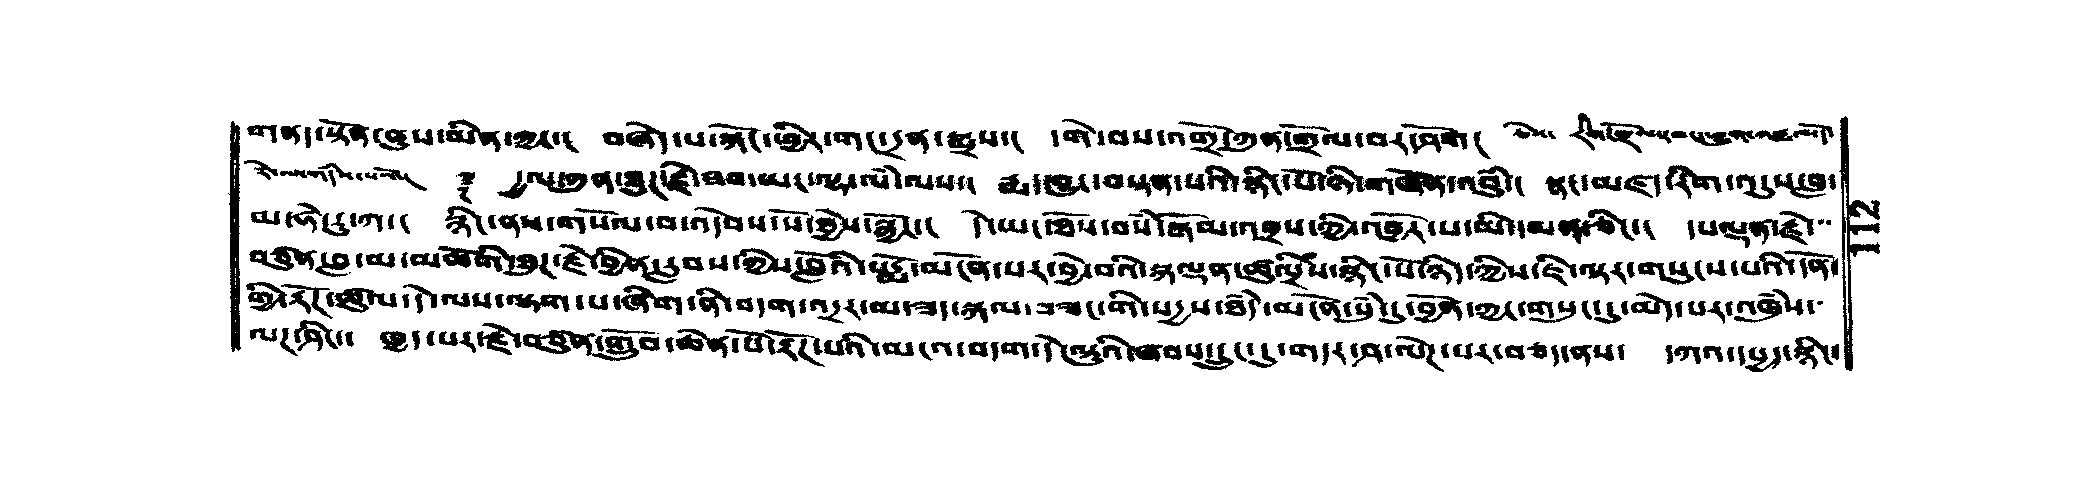གནད་སྟོན་ནུས་མིན་ཀྱང་། །བཞེད་པ་སྐོང་ཕྱིར་གང་དྲན་སྨྲས། །དགེ་བས་འགྲོ་ཀུན་གྲོལ་བར་ཤོག །ཅེས་རིག་གྲོལ་དབང་ཕྱུག་ཀརྨ་མདོ་
སྡེ་ལ་གདམས་པའོ།། ༄༅། རྒྱལ་ཀུན་ཐུགས་རྗེ་ཟབ་ཡངས་ལྷ་ལམ་ལས། །རྨད་བྱུང་བསྟན་པའི་སྙིང་པོ་ཉི་གཞོན་འབུམ། །སྣང་མཛད་རིག་འདུས་བླ་
མ་ཧེ་རུ་ཀ །སྙིང་ནས་གསོལ་བ་འདེབས་སོ་ཐུགས་རྗེས་སྐྱོང་། །དེ་ཡང་ཐོས་བསམ་སྒོམ་འབྲས་ཀྱི་སྦྱོར་བ་མི་དམན་ཞིང་། །དཔལ་ལྡན་རྗེ་
བཙུན་བླ་མ་མཆོག་གི་ཐུགས་རྗེ་བྱིན་རླབས་ཀྱིས་བློ་ཡི་པདྨོ་མངོན་པར་འབྱེད་པའི་སྐལ་ལྡན་ཚུལ་ཁྲིམས་སྙིང་པོ་ཉིད་ཀྱིས་ཇི་ལྟར་གསུངས་པའི་དོན་
གྱི་རྟོགས་ཚུལ་དེ་ལས་ལྷག་པ་ཞིག་ནི་བདག་འདྲར་མ་ཟད་སྐལ་བཟང་གི་སངས་རྒྱས་ཐམས་ཅད་མངོན་སུམ་དུ་བྱོན་ཀྱང་གསུང་དུ་མེད་པར་འཁུམ་
ལགས་ཤིང་།ཁྱད་པར་རྗེ་བཙུན་ཆེན་པོ་རྟོགས་པའི་མངའ་བདག་དེ་ལྟ་བུའི་ཞབས་དྲུང་དུ་གདར་ཤ་ལེགས་པར་བཅད་ནས། དཀའ་དཔྱད་སྙིང་